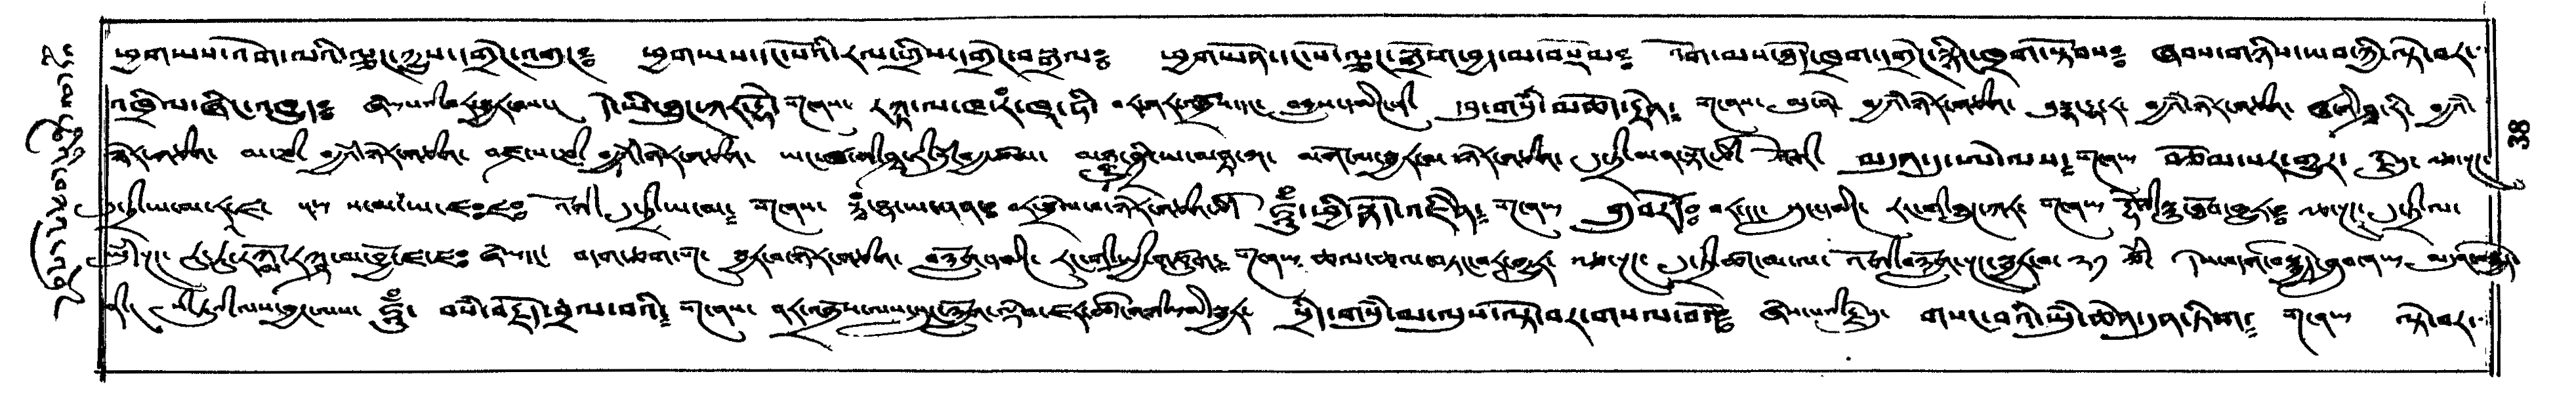ཕྱག་གཡས་འོག་མའི་ཀྱུས་དགྲ་གེགས་འགུགས་༔ ཕྱག་གཡས་དང་པོའི་རལ་གྲིས་དགྲ་གེགས་བསྒྲལ༔ པྱག་གཡོན་དང་པོ་ལྕགས་སྒྲོག་བྱད་མ་བསྡོམ༔ འོག་མས་ཐོད་ཁྲག་དགྲ་གེགས་སྙིང་ཁྲག་སྟོབ༔ ཞབས་གཉིས་ཡབ་ཀྱི་ལྟེ་བར་
འཁྲིལ་ཞིང་འཁྱུད༔ ཞེས་པའི་བར་སྦྱར་བས། དེ་ཡི་ཐུགས་ཀར་རྡོ་རྗེ༴ སོགས་ནས། རཀྟ་ལ་ཁ་རཾ་ཁཱ་ཧི༔ བར་ནར་འགྲོས་དང་། བཟླས་དམིགས་ནི། དབུ་གསུམ་མཆོད་རྟེན༴ སོགས་ནས། མུ་ནེ་བརྒྱའམ་ཉེར་གཅིག བུདྡྷ་དྷ་ར་བརྒྱའམ་ཉེར་གཅིག ཝ་གི་ཤྭ་རི་བརྒྱའམ་
ཉེར་གཅིག མ་ཎི་བརྒྱའམ་ཉེར་གཅིག བཛྲ་པ་ཎི་བརྒྱའམ་ཉེར་གཅིག ཡང་ཝ་གི་ཤྭ་རི་མུྃ་བརྒྱ་ཙམ ། མཉྫུ་ཤྲི་ཡ་མནྟ་ཀ་འགོ་ལ་སྦྱར་པ་ཉེར་གཅིག དུ་ཏྲི་མན་སྟོང་ཙམ། འོག་གི་མདུན་དུ་ཨེ་ལས༴ སོགས་ནས། བཅོམ་པར་གྱུརཿ རྗེས་སུ་རྩ་སྔགས། 
དུ་ཏྲི་ཡ་མ་རཱ་ཛ༴ ནས་ས་མ་ཡ་ཛཿཛཿ འོག་གི་དུ་ཏྲི་ཡ་མ༴ སོགས་ནས ། སྟྭཾ་བྷ་ཡ་ནན༔ བར་སྦྲེལ་བ་ཉེར་གཅིག་ཙམ། ཧཱུྃ༔ཕྱི་སྣོད་འཇིག་རྟེན༴ སོགས་ནས། གྲུབ་པར་མཛོདཿ བར་དང། སྲུང་དམིགས། རང་གི་ཐུགས་ཀར༴ སོགས་ནས། རྡོ་རྗེའི་སྐུ་ཐོབ་གྱུར༔ རྩ་སྔགས་དུ་ཏྲིལ་
ཡུམ་སྔགས་རུ་རུ་རཀྨོ་རཀྵ་མ་བྷྱོ་ཛ་ཛཿ ཞེས་དང་། བདག་ཅག་སོགས་སྦྱར་བ་ཉེར་གཅིག བཟློག་དམིགས། རང་གི་སྤྱི་གཙུག༴ སོགས་ནས། ཆལ་ཆལ་བཏང་བར་གྱུར༔ རྩ་སྔགས་དུ་ཏྲི་ཚང་མ་ལ། འོག་གི་བཟློག་སྔགས་སྦྱར་བ་ཉེར་གཅིག་ཙམ། དེས་བདག་བསྐྱེད་གྲུབ་ནས། མདུན་བསྐྱེད་
ནི། སིཏུའི་ལས་བྱང་ལས། ཧཱུྃཿ བསམ་བརྗོད་བྲལ་བའི༴ སོགས་ནས། ནར་འགྲོས་ལས་སྲུང་ཟློག་ལྡེབ་ཛར་ཚད་གཉིས་མི་སྦྱར། སྲིད་གསུམ་མ་ལུས་ལྟོ་བར་གསལ་བའོ༔ ཞེས་པའི་རྗེས་སུ། གསང་བའི་ཡུམ་ཆེན་དུན་ཏིག༴ སོགས་ནས། ལྟེ་བར་